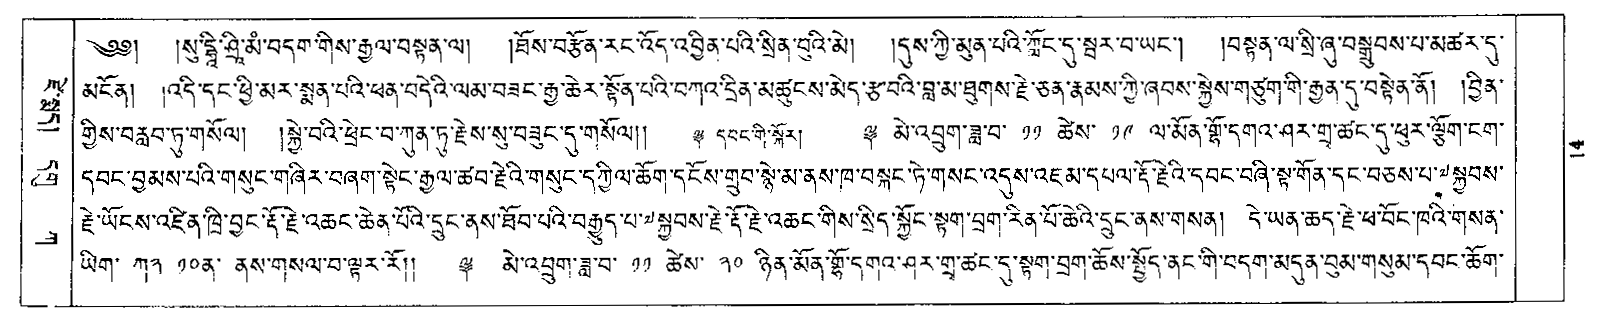༄༅། །སུདྷཱི་ཤྲཱི་མཾ་བདག་གིས་རྒྱལ་བསྟན་ལ། །ཐོས་བརྩོན་རང་འོད་འབྱིན་པའི་སྲིན་བུའི་མེ། །དུས་ཀྱི་མུན་པའི་ཀློང་དུ་སྦར་བ་ཡང་། །བསྟན་ལ་སྲི་ཞུ་བསྒྲུབས་པ་མཚར་དུ་
མངོན། །འདི་དང་ཕྱི་མར་སྨན་པའི་ཕན་བདེའི་ལམ་བཟང་རྒྱ་ཆེར་སྟོན་པའི་བཀའ་དྲིན་མཚུངས་མེད་རྩ་བའི་བླ་མ་ཐུགས་རྗེ་ཅན་རྣམས་ཀྱི་ཞབས་སྐྱེས་གཙུག་གི་རྒྱན་དུ་བསྟེན་ནོ། །བྱིན་
གྱིས་བརླབས་ཏུ་གསོལ། །སྐྱེ་བའི་ཕྲེང་བ་ཀུན་ཏུ་རྗེས་སུ་བཟུང་དུ་གསོལ།། ༈ དབང་གི་སྐོར། ༈ མེ་འབྲུག་ཟླ་བ ༡༡་ཚེས ༡༩་ལ་མོན་གྷོ་དགའ་ཤར་གྲྭ་ཚང་དུ་ཕུར་ལྕོག་ངག་
དབང་བྱམས་པའི་གསུང་གཞིར་བཞག་སྟེང་རྒྱལ་ཚབ་རྗེའི་གསུང་དཀྱིལ་ཆོག་དངོས་གྲུབ་སྙེ་མ་ནས་ཁ་བསྐང་ཏེ་གསང་འདུས་འཇམ་དཔལ་རྡོ་རྗེའི་དབང་བཞི་སྟ་གོན་དང་བཅས་པ་༧་སྐྱབས་
རྗེ་ཡོངས་འཛིན་ཁྲི་བྱང་རྡོ་རྗེ་འཆང་ཆེན་པོའི་དྲུང་ནས་ཐོབ་པའི་བརྒྱུད་པ་༧་སྐྱབས་རྗེ་རྡོ་རྗེ་འཆང་གིས་སྲིད་སྐྱོང་སྟག་བྲག་རིན་པོ་ཆེའི་དྲུང་ནས་གསན། དེ་ཡན་ཆད་རྗེ་ཕ་བོང་ཁའི་གསན་
ཡིག་ཀ ༢ ༡༠་ན་ནས་གསལ་བ་ལྟར་རོ།། ༈ མེ་འབྲུག་ཟླ་བ ༡༡་ཚེས ༢༠་ཉིན་མོན་གྷོ་དགའ་ཤར་གྲྭ་ཚང་དུ་སྟག་བྲག་ཆོས་སྤྱོད་ནང་གི་བདག་མདུན་བུམ་གསུམ་དབང་ཆོག་